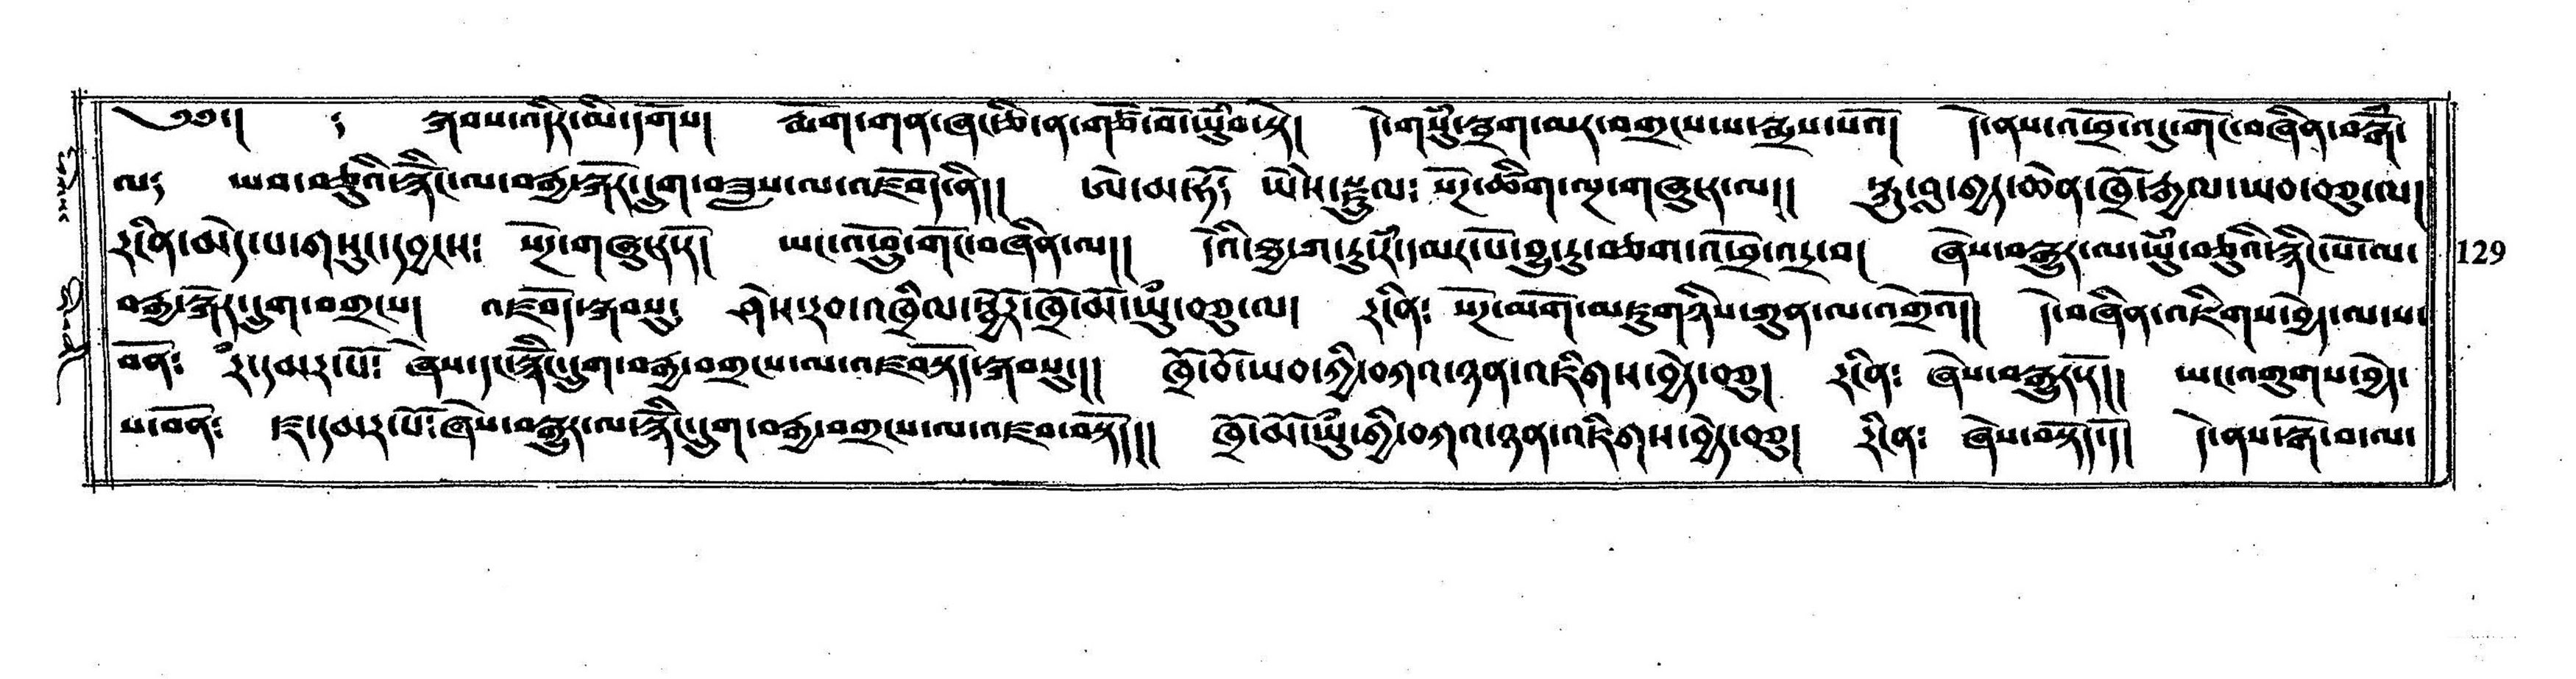སྐབས་འདིར་མི་དགོས། རྨོག་གན་ཞང་ཅི་ན་གཙོ་བོ་ཡབ་ཡུམ་སྟེ། དེ་གསུམ་སྦྲག་མར་བགྲངས་པ་སྨྲས་པའོ། དེ་ནས་འཕྲོ་འདུ་གོང་བཞིན་བསྒོམ་
ལ། ཡབ་བཅུའི་སྙིང་པོ་ལ་བརྒྱ་སྐོར་དྲུག་བཟླས་ལ་འཛབ་བསྟོད་ནི།། ཨེ་མ་ཧོ ཡེ་ཤེས་རྫུ་འཕྲུ༴ སོགས་ཚིག་ལྔ་གཞུང་ལྟར་ལ།། སྐུ་བླ་གྱད་ཆེན་ཁྲོ་རྒྱལ་ཡབ་བཅུ་ལ། 
རང་བཞིན་མེད་པ་གསུང་དབྱངས༴ སོགས་གཞུང་ལྟར་རོ། ཡང་འཕྲོ་འདུ་གོང་བཞིན་ལ།། དེའི་ཐུགས་ཀ་རུ་རཾ་དམར་པོ་བྱུ་རུ་བཅག་འཕྲོ་འདྲ་བ། ཞེས་བསྒྱུར་ལ་ཡུམ་བཅུའི་སྙིང་པོ་ལ་
བརྒྱ་སྐོར་དྲུག་བགྲངས། འཛབ་བསྟོད་སྐབས་སུ། ཤེས་རབ་འཁྲིལ་སྦྱོར་ཁྲོ་མོ་ཡུམ་བཅུ་ལ། རང་བཞིན༴ སོགས་མགོ་མཇུག་གཉིས་ཀུན་ལ་འགྲེའོ།། དེ་བཞིན་འཇིགས་བྱེད་ལ་ས་
བོན༴ རཾ་དམར་པོ༴ ཞེས་དང་སྙིང་པོ་དྲུག་བརྒྱ་བགྲངས་ལ་འཛབ་བསྟོད་སྐབས་སུ།། ཁྲོ་བོ་ཡབ་ཀྱི་བཀའ་ཉན་འཇིགས་བྱེད་བཅུ། རང་བཞིན༴ ཞེས་བསྒྱུར་རོ།། ཡང་འགུགས་བྱེད་
ས་བོན༴ ཛ་དམར་པོ༴ ཞེས་བསྒྱུར་ལ་སྙིང་པོ་དྲུག་བརྒྱ་བགྲངས་ལ་འཛབ་བསྟོད།། ཁྲོ་མོ་ཡུམ་གྱི་བཀའ་ཉན་འཇིགས་བྱེད་བཅུ། རང་བཞིན༴ ཞེས་བསྟོད་དོ། དེ་ནས་སྒོ་བ་ལ་